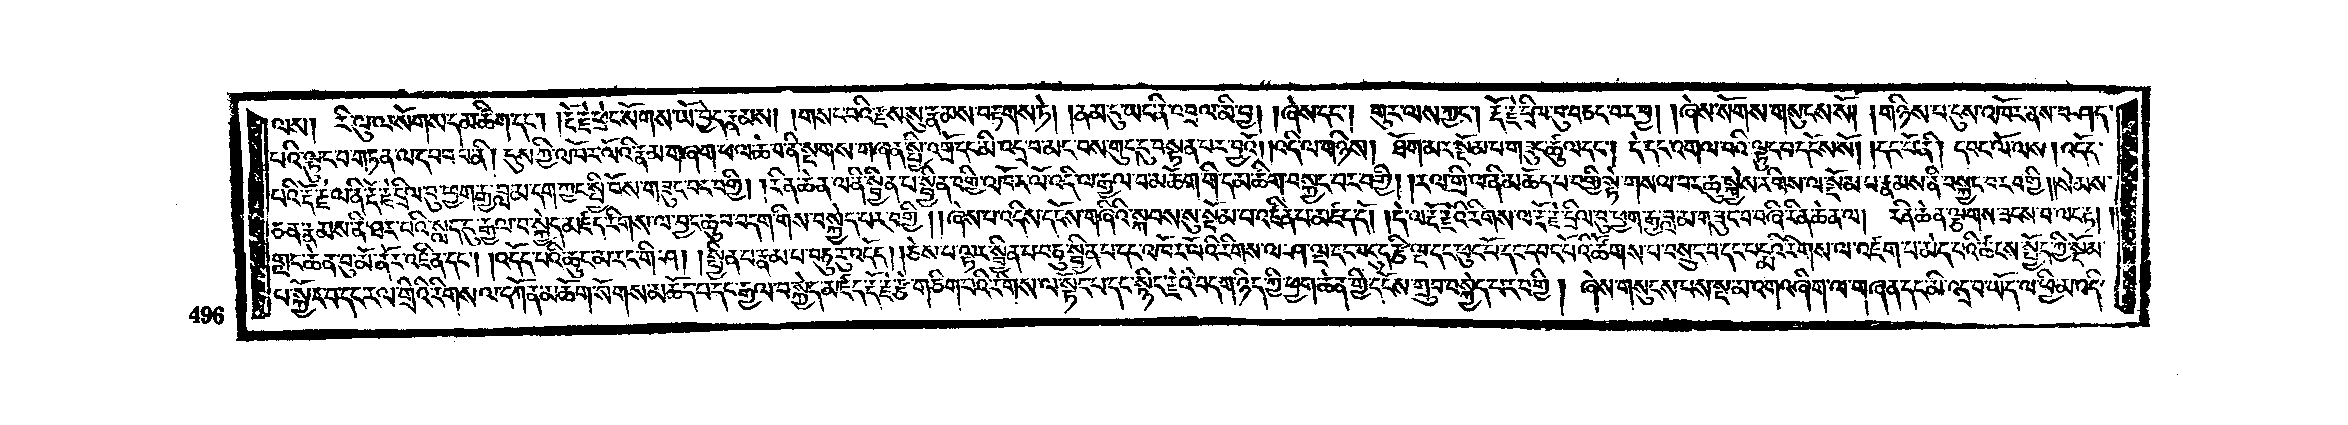ལས། རི་ལུ་ལ་སོགས་དམ་ཚིག་དང་། །རྡོ་རྗེ་ཕྲེང་སོགས་ཡོ་བྱེད་རྣམས། །གསང་བའི་རྫས་སུ་རྣམས་བརྟགས་ཏེ། །ནམ་དུ་ཡང་ནི་འབྲལ་མི་བྱ། །ཞེས་དང་། གུར་ལས་ཀྱང་། རྡོ་རྗེ་དྲིལ་བུ་བཅད་བར་བྱ། །ཞེས་སོགས་གསུངས་སོ། །གཉིས་པ་དུས་འཁོར་ནས་བཤད་
པའི་ལྟུང་བ་གཏན་ལ་དབབ་པ་ནི། དུས་ཀྱི་འཁོར་ལོའི་རྣམ་གཞག་ཕལ་ཆེ་བ་ནི་སྔགས་གཞན་སྤྱི་འགྲོ་དང་མི་འདྲ་བ་མང་བས་གུད་དུ་བསྟན་པར་བྱའོ། །འདི་ལ་གཉིས། ཐོག་མར་སྡོམ་པ་གཟུང་ཚུལ་དང་། དེ་དང་འགལ་བའི་ལྟུང་བ་དངོས་སོ། །དང་པོ་ནི། དབང་ལོ་ལས། འདོད་
པའི་རྡོ་རྗེ་ལ་ནི་རྡོ་རྗེ་དྲིལ་བུ་ཕྱག་རྒྱ་བླ་མ་དག་ཀྱང་སྤྱི་བོས་གཟུང་བར་བགྱི། །རིན་ཆེན་ལ་ནི་སྦྱིན་པ་སྦྱིན་བགྱི་འཁོར་ལོ་འདི་ལ་རྒྱལ་བ་མཆོག་གི་དམ་ཚིག་བསྐྱང་བར་བགྱི། །རལ་གྲི་ལ་ནི་མཆོད་པ་བགྱི་སྟེ་གསལ་བར་ཆུ་སྐྱེས་རིགས་ལ་སྡོམ་པ་རྣམས་ནི་བསྐྱང་བར་བགྱི། །སེམས་
ཅན་རྣམས་ནི་ཐར་པའི་སླད་དུ་རྒྱལ་བ་སྐྱེད་མཛད་རིགས་ལ་བྱང་ཆུབ་བདག་གིས་བསྐྱེད་པར་བགྱི། །ཞེས་པ་འདིས་དངོས་གཞིའི་སྐབས་སུ་སྡོམ་པ་འཛིན་པ་མཛད་དོ། །དེ་ལ་རྡོ་རྗེའི་རིགས་ལ་རྡོ་རྗེ་དྲིལ་བུ་ཕྱག་རྒྱ་བླ་མ་གཟུང་བ་བཞི་རིན་ཆེན་ལ། རིན་ཆེན་ལྕགས་ཟངས་བ་ལང་རྟ། །
གླང་ཆེན་བུ་མོ་ནོར་འཛིན་དང་། །འདོད་པའི་ཆུང་མ་རང་གི་ཤ། །སྦྱིན་པ་རྣམ་པ་བཅུ་རུ་འདོད། །ཅེས་པ་ལྟར་སྦྱིན་པ་བཅུ་སྦྱིན་པ་དང་འཁོར་ལོའི་རིགས་ལ་ཤ་ལྔ་དང་བདུད་རྩི་ལྔ་དང་ཕུང་པོ་དང་དབང་པོའི་ཚོགས་པ་བསྲུང་བ་དང་པདམའི་རིགས་ལ་འཛག་པ་མེད་པའི་ཚངས་སྤྱོད་ཀྱི་སྡོམ་
པ་སྐྱོང་བ་དང་རལ་གྲིའི་རིགས་ལ་དཀོན་མཆོག་སོགས་མཆོད་པ་དང་རྒྱལ་བ་སྐྱེད་མཛད་རྡོ་རྗེ་རྩེ་གཅིག་པའི་རིགས་ལ་སྟོང་པ་དང་སྙིང་རྗེའི་བདག་ཉིད་ཀྱི་ཕྱག་ཆེན་གྱི་དངོས་གྲུབ་བསྐྱེད་པར་བགྱི། ཞེས་གསུངས་པས་སྔ་མ་འགའ་ཞིག་ལ་གཞན་དང་མི་འདྲ་བ་ཡོད་ལ་ཕྱི་མ་འདི་